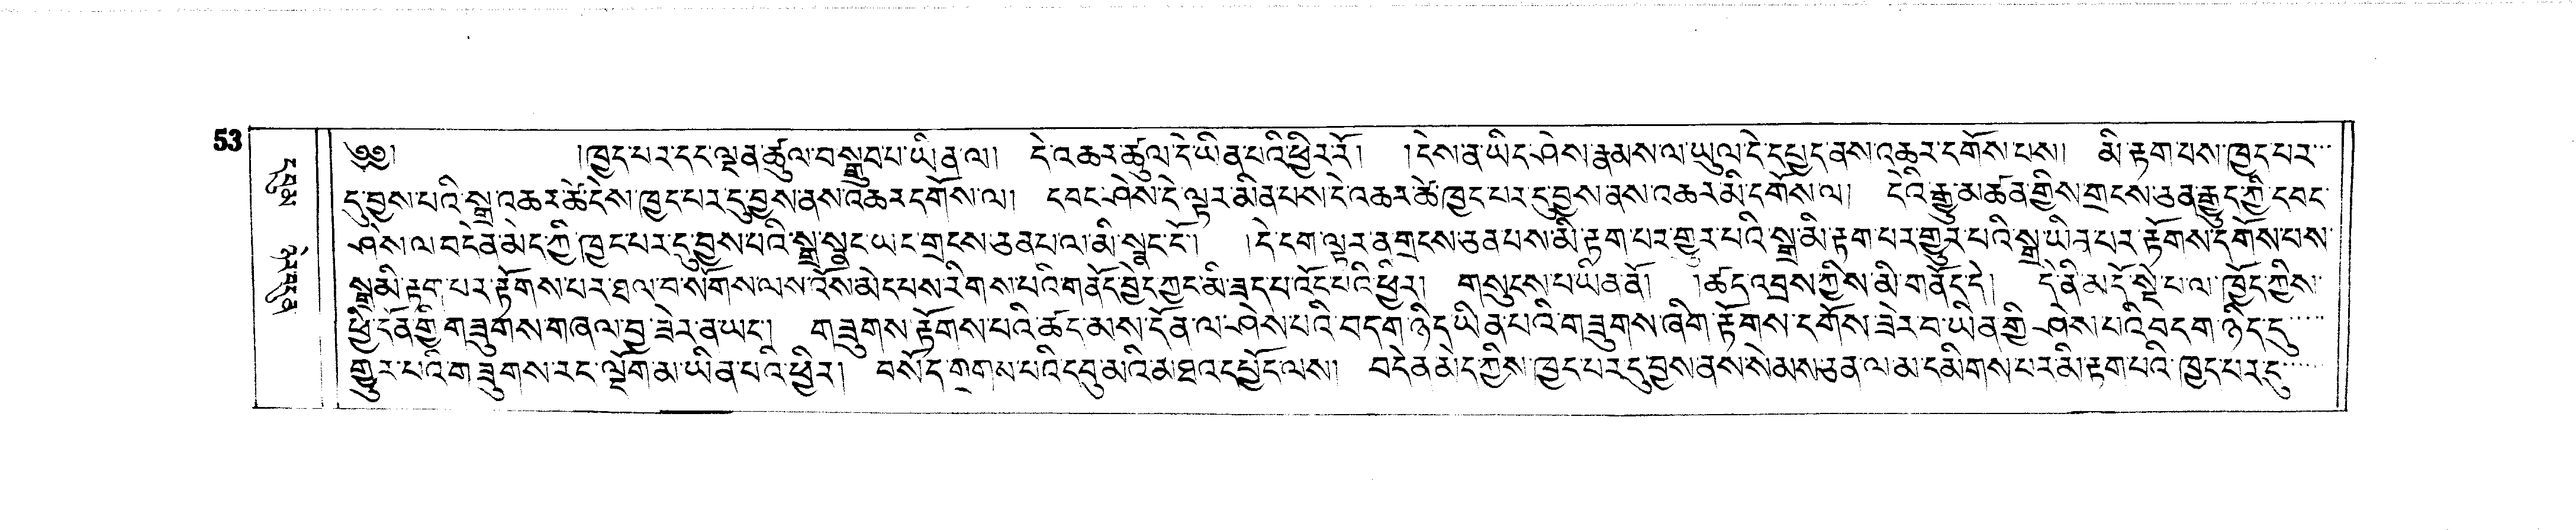༄༅། །ཁྱད་པར་དང་ལྡན་ཚུལ་བསྒྲུབ་པ་ཡིན་ལ། དེ་འཆར་ཚུལ་དེ་ཡིན་པའི་ཕྱིར་རོ། །དེས་ན་ཡིད་ཤེས་རྣམས་ལ་ཡུལ་དེ་དཔྱད་ནས་འཆར་དགོས་པས། མི་རྟག་པས་ཁྱད་པར་
དུ་བྱས་པའི་སྒྲ་འཆར་ཚེ་དེས་ཁྱད་པར་དུ་བྱས་ནས་འཆར་དགོས་ལ། དབང་ཤེས་དེ་ལྟར་མིན་པས་དེ་འཆར་ཚེ་ཁྱད་པར་དུ་བྱས་ནས་འཆར་མི་དགོས་ལ། དེའི་རྒྱུ་མཚན་གྱིས་གྲངས་ཅན་རྒྱུད་ཀྱི་དབང་
ཤེས་ལ་བདེན་མེད་ཀྱི་ཁྱད་པར་དུ་བྱས་པའི་སྒྲ་སྣང་ཡང་གྲངས་ཅན་པ་ལ་མི་སྣང་ངོ། །དེ་དག་ལྟར་ན་གྲངས་ཅན་པས་མི་རྟག་པར་གྱུར་པའི་སྒྲ་མི་རྟག་པར་གྱུར་པའི་སྒྲ་ཡིན་པར་རྟོགས་དགོས་པས་
སྒྲ་མི་རྟག་པར་རྟོགས་པར་ཐལ་བ་སོགས་ལས་འོས་མེད་པས་རིགས་པའི་གནོད་བྱེད་ཀྱང་མི་ཟད་པ་འོང་པའི་ཕྱིར། གསུངས་པ་ཡིན་ནོ། །ཚད་འབྲས་ཀྱིས་མི་གནོད་དེ། དེ་ནི་མདོ་སྡེ་པ་ལ་ཁྱོད་ཀྱིས་
ཕྱི་དོན་གྱི་གཟུགས་གཞལ་བྱ་ཟེར་ན་ཡང་། གཟུགས་རྟོགས་པའི་ཚད་མས་དོན་ལ་ཤེས་པའི་བདག་ཉིད་ཡིན་པའི་གཟུགས་ཞིག་རྟོགས་དགོས་ཟེར་བ་ཡིན་གྱི་ཤེས་པའི་བདག་ཉིད་དུ་
གྱུར་པའི་གཟུགས་རང་ལྡོག་མ་ཡིན་པའི་ཕྱིར། བསོད་གྲགས་པའི་དབུ་མའི་མཐའ་དཔྱོད་ལས། བདེན་མེད་ཀྱིས་ཁྱད་པར་དུ་བྱས་ནས་སེམས་ཅན་ལ་མ་དམིགས་པར་མི་རྟག་པའི་ཁྱད་པར་དུ་